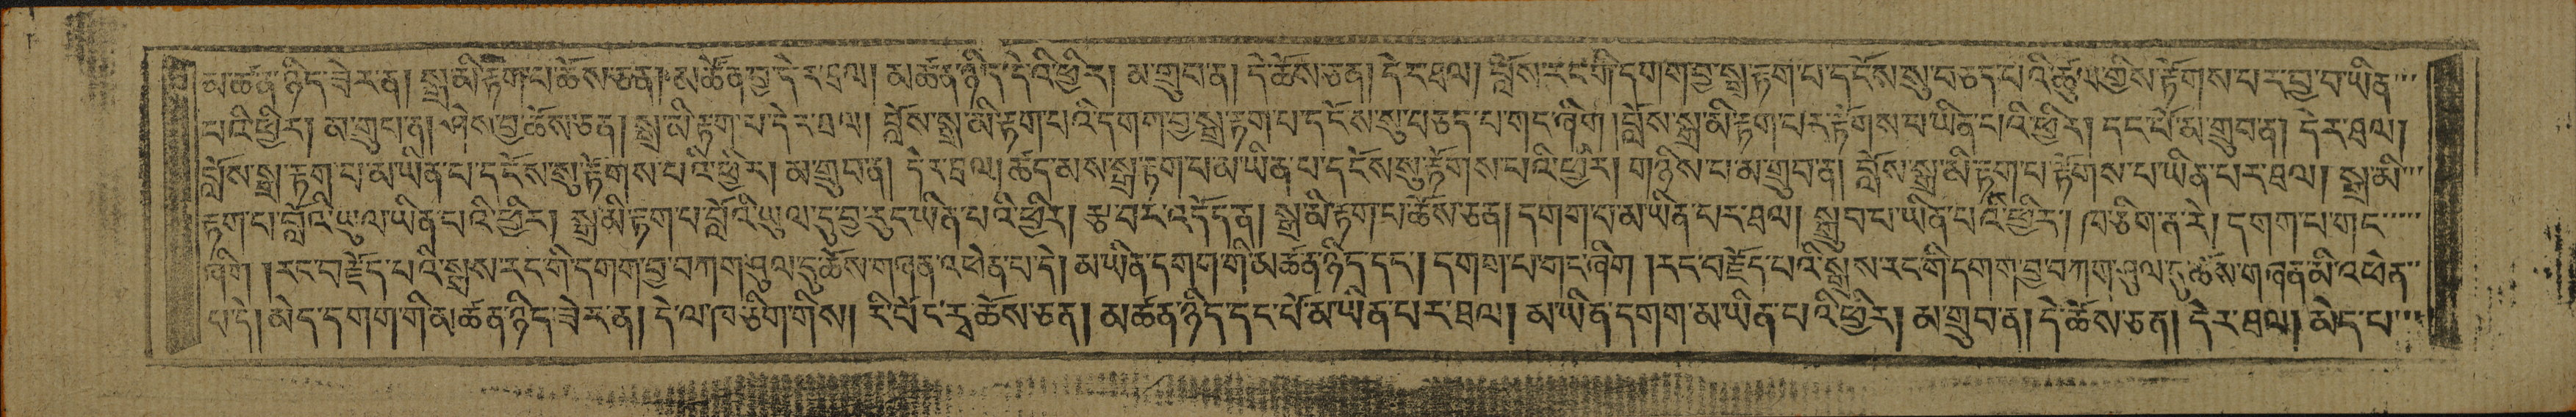མཚན་ཉིད་ཟེར་ན། སྒྲ་མི་རྟག་པ་ཆོས་ཅན། མཚོན་བྱ་དེར་ཐལ། མཚན་ཉིད་དེའི་ཕྱིར། མ་གྲུབ་ན། དེ་ཆོས་ཅན། དེར་ཐལ། བློས་རང་གི་དགག་བྱ་སྒྲ་རྟག་པ་དངོས་སུ་བཅད་པའི་ཚུལ་གྱིས་རྟོགས་པར་བྱ་བ་ཡིན་
པའི་ཕྱིར། མ་གྲུབ་ན། ཤེས་བྱ་ཆོས་ཅན། སྒྲ་མི་རྟག་པ་དེར་ཐལ། བློས་སྒྲ་མི་རྟག་པའི་དགག་བྱ་སྒྲ་རྟག་པ་དངོས་སུ་བཅད་པ་གང་ཞིག །བློས་སྒྲ་མི་རྟག་པར་རྟོགས་པ་ཡིན་པའི་ཕྱིར། དང་པོ་མ་གྲུབ་ན། དེར་ཐལ།
བློས་སྒྲ་རྟགས་པ་མ་ཡིན་པ་དངོས་སུ་རྟོགས་པའི་ཕྱིར། མ་གྲུབ་ན། དེར་ཐལ། ཚད་མས་སྒྲ་རྟག་པ་མ་ཡིན་པ་དངོས་སུ་རྟོགས་པའི་ཕྱིར། གཉིས་པ་མ་གྲུབ་ན། བློས་སྒྲ་མི་རྟག་པ་རྟོགས་པ་ཡིན་པར་ཐལ། སྒྲ་མི་
རྟག་པ་བློའི་ཡུལ་ཡིན་པའི་ཕྱིར། སྒྲ་མི་རྟག་པ་བློའི་ཡུལ་དུ་བྱ་རུང་ཡིན་པའི་ཕྱིར། རྩ་བར་འདོད་ན། སྒྲ་མི་རྟག་པ་ཆོས་ཅན། དགག་པ་མ་ཡིན་པར་ཐལ། སྒྲུབ་པ་ཡིན་པའི་ཕྱིར། ཁ་ཅིག་ན་རེ། དགག་པ་གང་
ཞིག །རང་བརྗོད་པའི་སྒྲས་རང་གི་དགག་བྱ་བཀག་ཤུལ་དུ་ཆོས་གཞན་འཕེན་པ་དེ། མ་ཡིན་དགག་གི་མཚན་ཉིད་དང་། དགག་པ་གང་ཞིག །རང་བརྗོད་པའི་སྒྲས་རང་གི་དགག་བྱ་བཀག་ཤུལ་དུ་ཆོས་གཞན་མི་འཕེན་
པ་དེ། མེད་དགག་གི་མཚན་ཉིད་ཟེར་ན། དེ་ལ་ཁ་ཅིག་གིས། རི་བོང་རྭ་ཆོས་ཅན། མཚན་ཉིད་དང་པོ་མ་ཡིན་པར་ཐལ། མ་ཡིན་དགག་མ་ཡིན་པའི་ཕྱིར། མ་གྲུབ་ན། དེ་ཆོས་ཅན། དེར་ཐལ། མེད་པ་